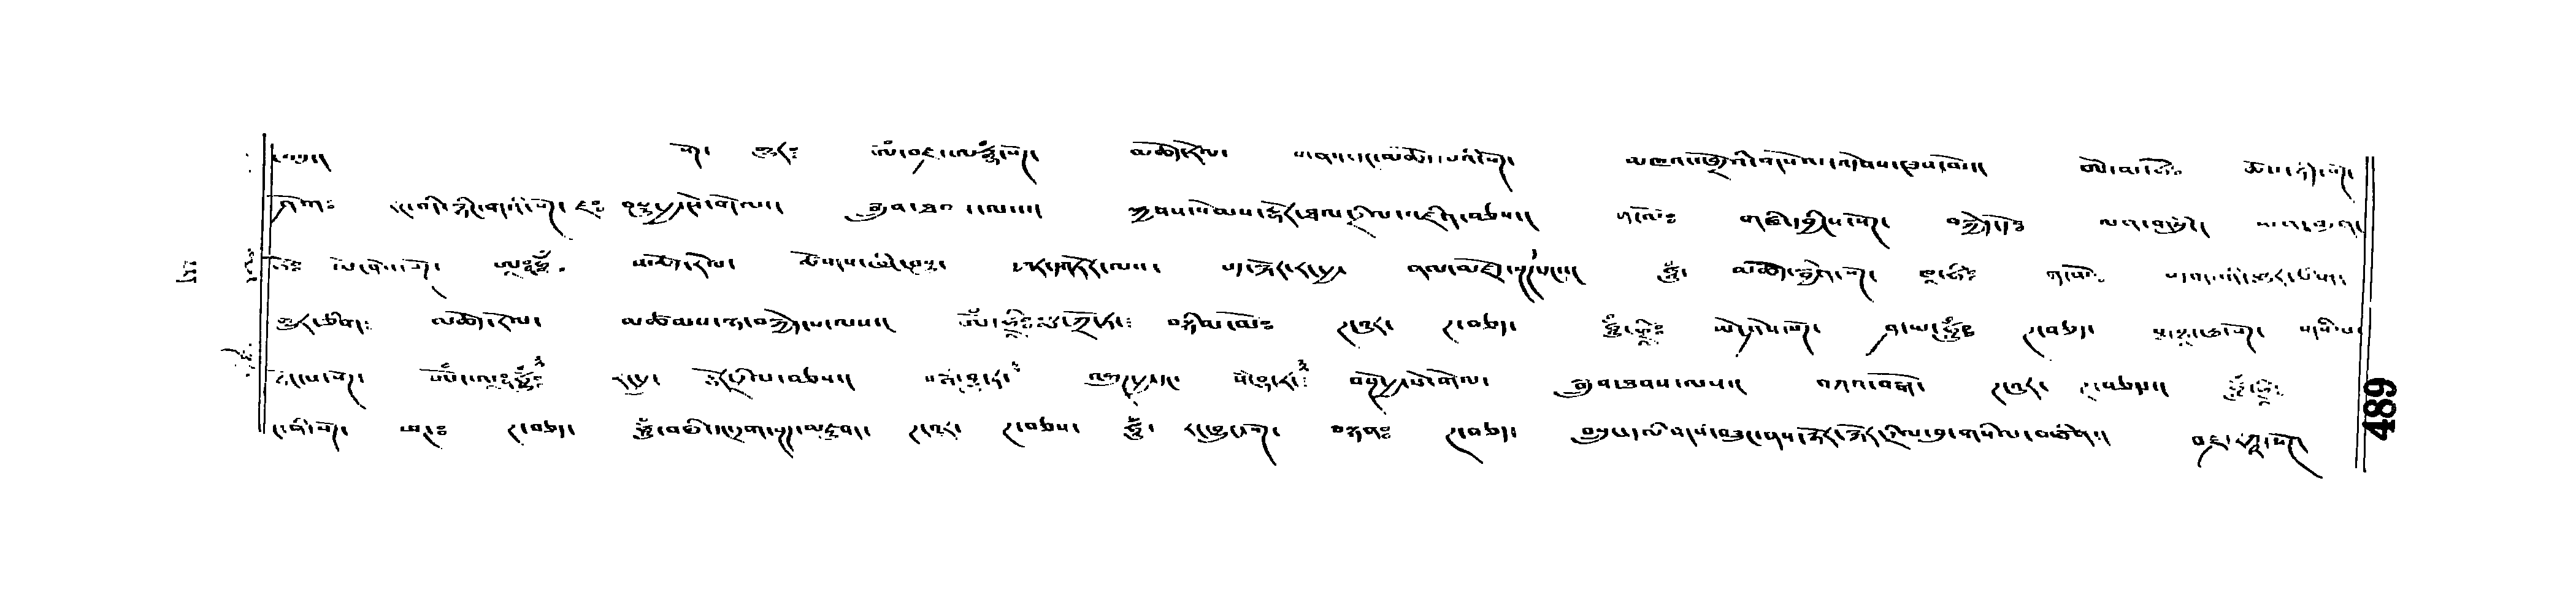སོགས། གྱུར༔ ཨོཾ་བཛྲ་ཨརྒྷཾ་སོགས། མཆོད་རོལ། གནས་དང་མཆོད་པའི་སོགས། མཁའ་འགྲོའི་གསོལ་འདེབས་ཟབ་མོ། ཨེ་མ་ཧོ༔ ཆོས་ཉིད་སོགས། 
ཤོག༔ རང་གི་སྙིང་ག འི་སོགས། ཛཿ བསྡུ་རྒྱ་ངེས་གོལ། སྒྲུབ་ཐབས་ལས། སྐྱབས་སེམས་རྡོར་ཐལ་དྲིལ་འཛིན་བཅས། ན་མོ༔ གཞི་དབྱིངས་སོགས། བསྐྱེད་དོ༔ ལན་གསུམ། ཡན་བདུན། 
ཧོཿ ཡེ་ཤེས་སོགས། ཨཱཿཧཱུྃ༔ མཆོད་རོལ། ཚོགས་ཞིང་བསྡུ། དཀར་གཏོར་ལས། པད་སྐོར་རང་རྒྱ། ནམ་མཛོད་སྔགས་དང་གཅིག ཧཱུྃ། མཆོད་སྦྱིན་སོགས། ཁཱ་ཧིཿ ན་མོ༔ བདག་གི་སོགས། 
གྱུར་ཅིག མཆོད་རོལ། མཚམས་ལྷ་བསྐྱེད་པ་ལས། ཨོཾ་ཧྲཱིཿཔདྨ་ཀྲོ་ཏ༴ བསྟིམ་མོ༔ ཌཱ་འུར། ཌཱ་བཅད། ཧཱུྃ་ཧྲཱིཿ ཡེ་ཤེས་སོགས། ཤ་ཡ་ཧཱུྃ༔ ཌཱ་བཅད། སྭ་བྷཱ་ཝ་སོགས། གསིལ། 
སྟོང་པ་སོགས། ཨོཾ་ཨཱཿཧཱུྃ༔ རང་རྒྱ། རྡོར་དྲིལ་བཅས། སརྦ་བྷུ་ཏ་གསུམ། འགུགས་རྒྱ་དང་། སམ་བྷ་ར་གསུམ། བསྔོ་རྒྱ་སེ་གོལ། སྒྲུབ་ཐབས་ལས་བཀའ་བསྒོ། ཌཱ་འུར། ཌཱ་བཅས། ཧཱུྃ་ཧྲཱིཿ 
ང་ནི་སོགས། ཕཊཿ ཌཱ་བཅད། ཧཱུྃ་བཞི་དང་དྲག་སྔགས་མཇུག ཌཱ་འུར།ཌཱ་བཅས། ཧཱུྃ༔ རང་བྱུང་སོགས། བསྟན༔ ཌཱ་བཅད། བསྲུང་དམིགས་བཟུང་ནས་རྡོར་སྐོར་དྲིལ་བུ་གསིལ་བཞིན། བཛྲ་རཀྵ་སོགས།